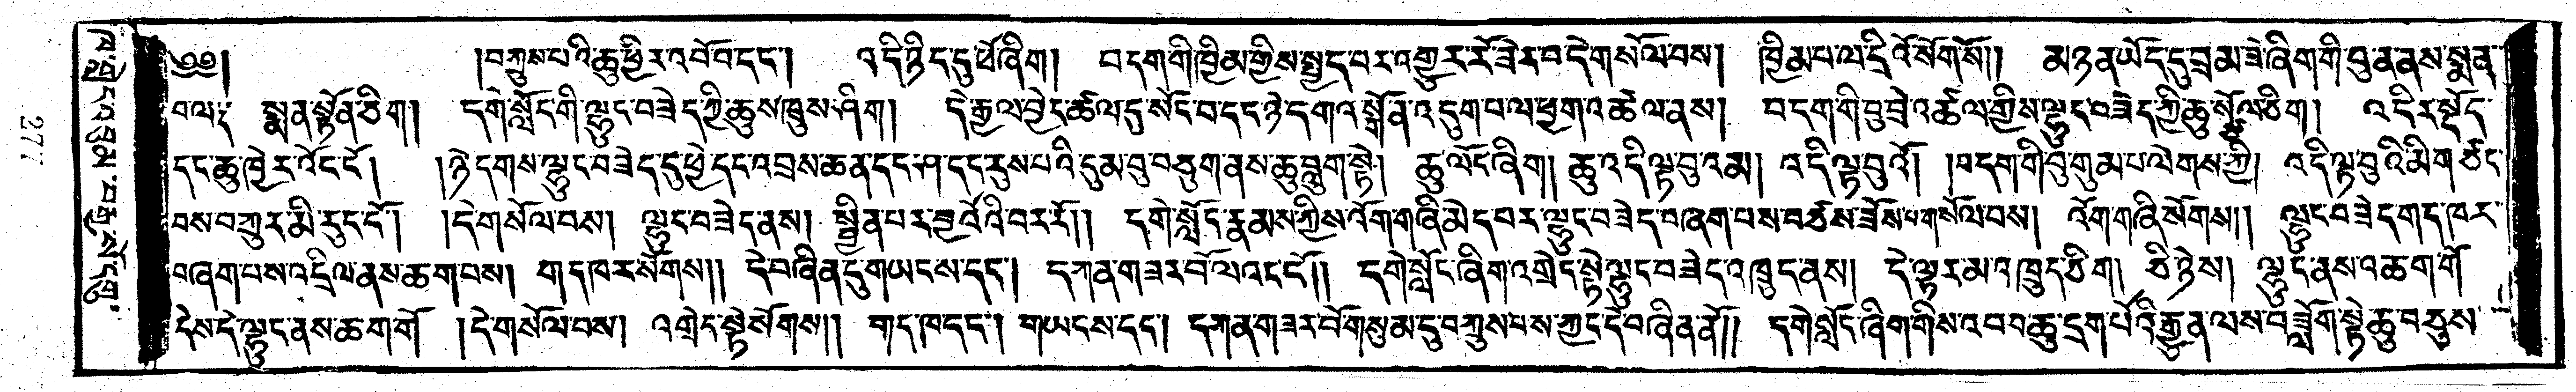༄༅། །བཀྲུས་པའི་ཆུ་ཕྱིར་འབོ་བ་དང་། འདི་ཉིད་དུ་ཕོ་ཞིག། བདག་གི་ཁྱིམ་གྱིས་སྤྱད་པར་འགྱུར་རོ་ཟེར་བ་དེ་གསོལ་བས། ཁྱིམ་པ་ལ་དྲིའོ་སོགས་སོ།། མཉན་ཡོད་དུ་བྲམ་ཟེ་ཞིག་གི་བུ་ན་ནས་སྨན་
བ་ལ༑ སྨན་སྟོན་ཅིག། དགེ་སློང་གི་ལྷུང་བཟེད་ཀྱི་ཆུས་ཁྲུས་ཤིག། དེ་རྒྱལ་བྱེད་ཚལ་དུ་སོང་བ་དང་ཉེ་དགའ་སྒོ་ན་འདུག་པ་ལ་ཕྱག་འཚལ་ནས། བདག་གི་བུ་བྲེ་འཚལ་གྱིས་ལྷུང་བཟེད་ཀྱི་ཆུ་སྩོལ་ཅིག། འདིར་སྡོད་
དང་ཆུ་ཁྱེར་འོང་ངོ། །ཉེ་དགས་ལྷུང་བཟེད་དུ་ཕྱེ་དང་འབྲས་ཆན་དང་ཤ་དང་རུས་པའི་དུམ་བུ་བཅུག་ནས་ཆུ་བླུག་སྟེ། ཆུ་ལོང་ཞིག། ཆུ་འདི་ལྟ་བུའམ། འདི་ལྟ་བུའོ། །བདག་གི་བུ་གུམ་པ་ལེགས་ཀྱི། འདི་ལྟ་བུའི་མི་གཙང་
བས་བཀྲུར་མི་རུང་ངོ། །དེ་གསོལ་བས། ལྷུང་བཟེད་ནས། སྦྱིན་པར་བྱའོའི་བར་རོ།། དགེ་སློང་རྣམས་ཀྱིས་འོག་གཞི་མེད་པར་ལྷུང་བཟེད་བཞག་པས་བཙས་ཟོས་པ་གསོལ་བས། འོག་གཞི་སོགས།། ལྷུང་བཟེད་གད་ཁར་
བཞག་པས་འདྲིལ་ནས་ཆག་པས། གད་ཁར་སོགས།། དེ་བཞིན་དུ་གཡངས་དང་། དཀན་གཟར་བོ་ལའང་ངོ།། དགེ་སློང་ཞིག་འགྲེང་སྟེ་ལྷུང་བཟེད་འཁྲུད་ནས། དེ་ལྟར་མ་འཁྲུད་ཅིག། ཅི་ཉེས། ལྷུང་ནས་འཆག་གོ་
དེས་དེ་ལྷུང་ནས་ཆག་གོ །དེ་གསོལ་བས། འགྲེང་སྟེ་སོགས།། གད་ཁ་དང་། གཡངས་དང་། དཀན་གཟར་པོ་གསུམ་དུ་བཀྲུས་པས་ཀྱང་དེ་བཞིན་ནོ།། དགེ་སློང་ཞིག་གིས་འབབ་ཆུ་དྲག་པོའི་རྒྱུན་ལས་བཟློག་སྟེ་ཆུ་བཅུས་